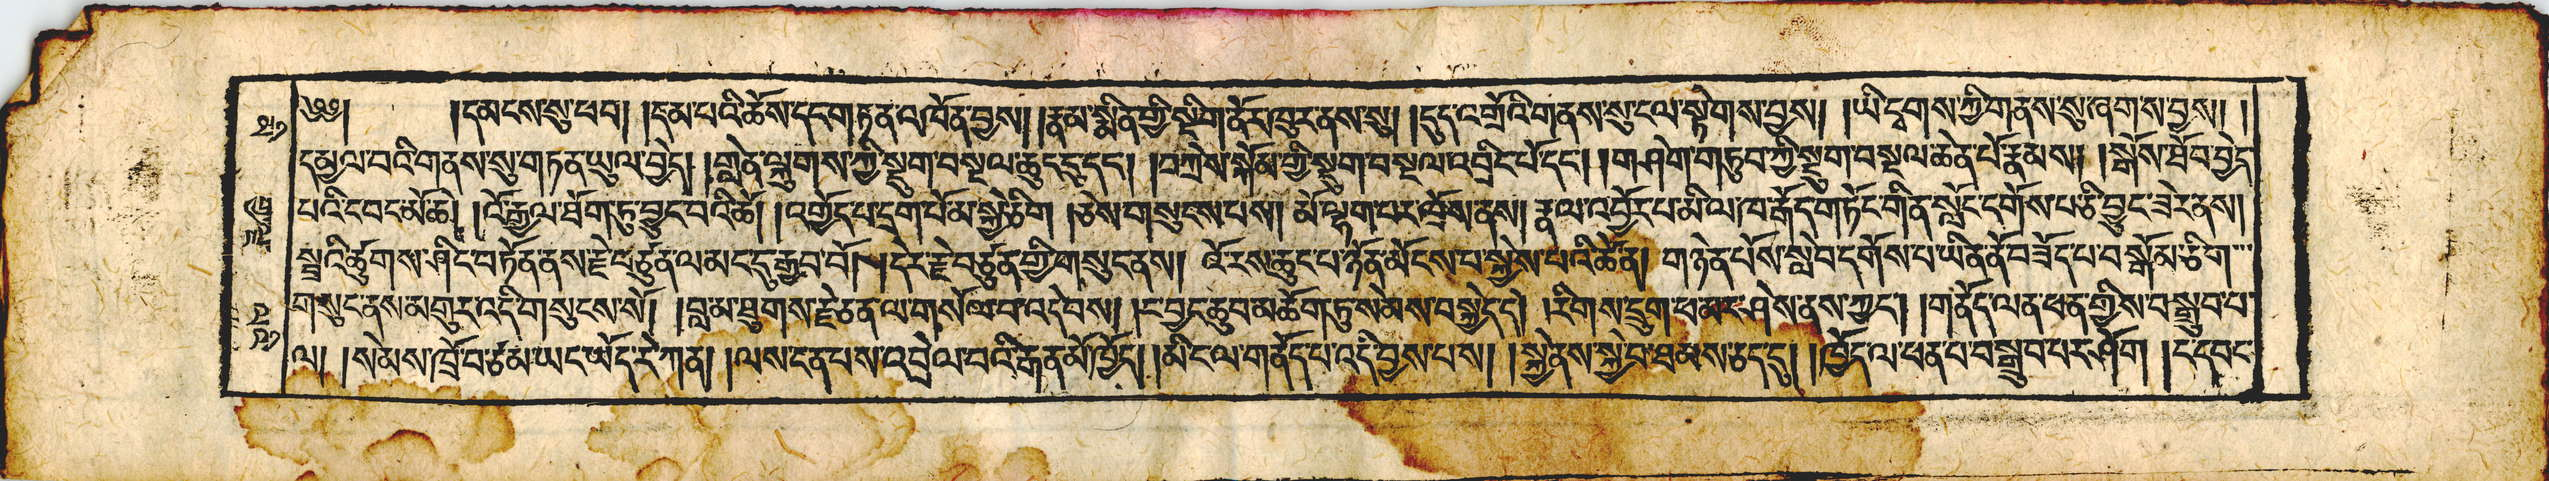དམངས་སུ་ཕབ། །དུམ་པའི་ཆོས་དང་གཏན་འཁོན་བྱས། །རྣམ་སྨིན་གྱི་སྡིག་ནོར་ཁུར་ནས་སུ། །དུད་འགྲོའི་གནས་སུ་ངལ་སྟེགས་བྱས། །ཡི་དྭགས་ཀྱི་གནས་སུ་ཞག་ས་བྱས། །
དམྱལ་བའི་གནས་སུ་གཏན་ཡུལ་བྱེད། །གླེན་ལྐུགས་ཀྱི་སྡུག་བསྔལ་ཆུང་ངུ་དང་། །བཀྲེས་སྐོམ་གྱི་སྡུག་བསྔལ་འབྲིང་པོ་དང་། །གཤག་གཏུབ་ཀྱི་སྡུག་བསྔལ་ཆེན་པོ་རྣམས། །སྒོས་ཐོབ་བྱེད་
པའི་དབང་མོ་ཆེ། །འོ་རྒྱལ་ཐོག་ཏུ་བྱུང་བའི་ཚེ། །འགྱོད་པ་དྲག་པོ་མ་སྐྱེ་ཅིག །ཅེས་གསུངས་པས། མོ་ལྷག་པར་ཁྲོས་ནས། རྣལ་འབྱོར་པ་མི་ལ་ཁ་རྒོད་གཏོང་གིན་སློང་དགོས་པ་ཅི་བྱུང་ཟེར་ནས་
སྦྲའི་ཚུགས་ཤིང་བཏོན་ནས་རྗེ་བཙུན་ལ་མང་དུ་རྒྱབ་བོ། །དེར་རྗེ་བཙུན་གྱི་གསུང་ནས། འོ་རས་ཆུང་པ་ཉོན་མོངས་པ་སྐྱེས་པའི་ཚེ་ན། གཉེན་པོས་སླབ་དགོས་པ་ཡིན་ནོ་བཟོད་པ་བསྒོམ་ཅིག་
གསུང་ནས་མགུར་འདི་གསུངས་སོ། །བླ་མ་ཐུགས་རྗེ་ཅན་ལ་གསོལ་བ་འདེབས། །ང་བྱང་ཆུབ་མཆོག་ཏུ་སེམས་བསྐྱེད་དེ། །རིགས་དྲུག་ཕ་མར་ཤེས་ནས་ཀྱང་། །གནོད་ལན་ཕན་གྱིས་བསྒྲུབ་པ་
ལ། །སེམས་ཁྲོ་བ་ཙམ་ཡང་ཡོད་རེ་ཀན། །ལས་ངན་པས་འབྲེལ་བའི་རྒནམོ་ཁྱོད། །མི་ང་ལ་གནོད་པ་འདི་བྱས་པས། །སྐྱེ་ནས་སྐྱེ་བ་ཐམས་ཅད་དུ། །ཁྱོད་ལ་ཕན་པ་བསྒྲུབ་པར་ཤོག །ང་དབང་